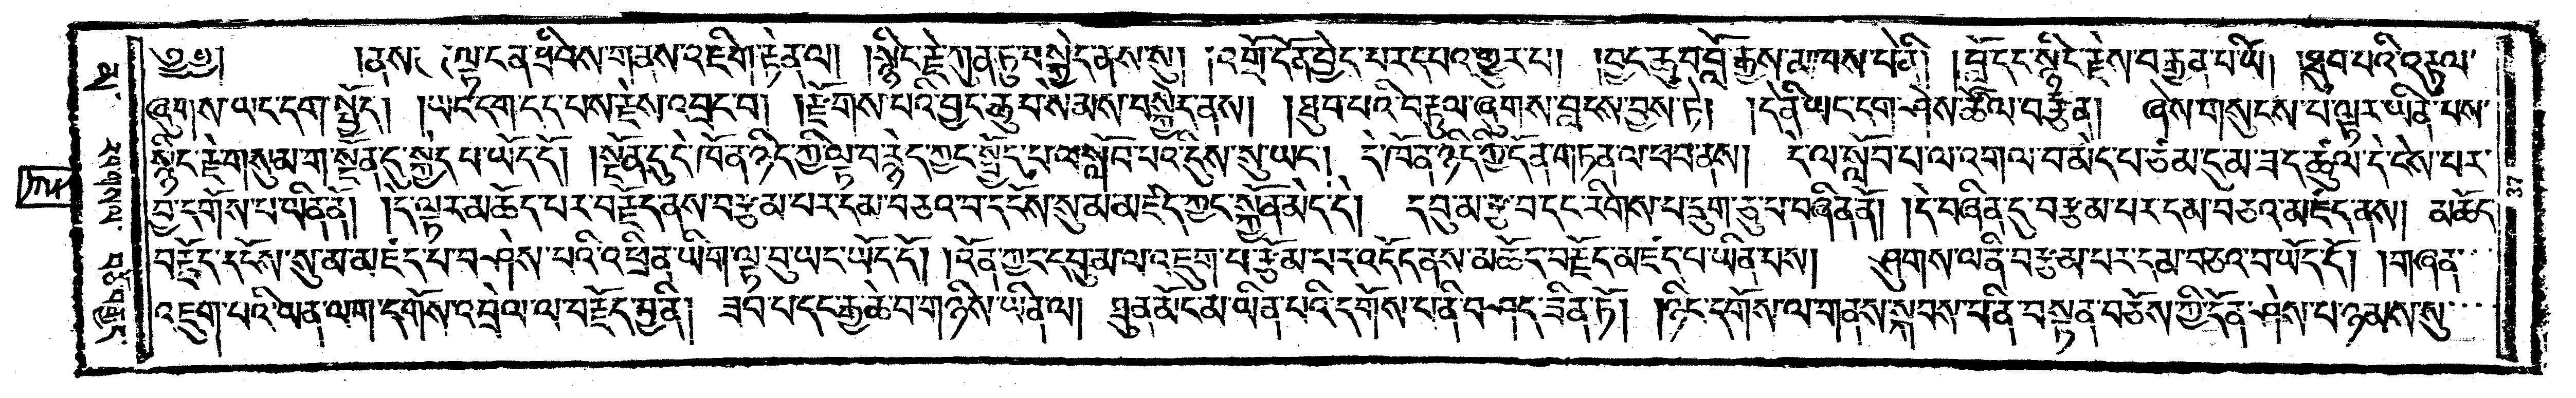༄༅། །ནས༑ ༑ལྟ་ངན་ཐིབས་གནས་འཇིག་རྟེན་ལ། །སྙིང་རྗེ་ཀུན་ཏུ་བསྐྱེད་ནས་སུ། །འགྲོ་དོན་བྱེད་པར་དཔའ་གྱུར་པ། །བྱང་ཆུབ་བློ་རྒྱས་མཁས་པ་ནི། །བློ་དང་སྙིང་རྗེས་བརྒྱན་པ་ཡི། །ཐུབ་པའི་བརྟུལ་
ཞུགས་ཡང་དག་སྤྱོད། །ཡང་དག་དད་པས་རྗེས་འབྲང་བ། །རྫོགས་པའི་བྱང་ཆུབ་སེམས་བསྐྱེད་ནས། །ཐུབ་པའི་བརྟུལ་ཞུགས་བླངས་བྱས་ཏེ། །དེ་ནི་ཡང་དག་ཤེས་ཚོལ་བརྩོན། ཞེས་གསུངས་པ་ལྟར་ཡིན་པས་
སྙིང་རྗེ་གསུམ་ག་སྔོན་དུ་སྐྱེད་པ་ཡོད་དོ། །སྔོན་དུ་དེ་ཁོ་ན་ཉིད་ཀྱི་ལྟ་བ་རྙེད་ཀྱང་སྤྱོད་པ་ལ་སློབ་པའི་དུས་སུ་ཡང་། དེ་ཁོ་ན་ཉིད་ཀྱི་དོན་གཏན་ལ་ཕབ་ནས། དེ་ལ་སློབ་པ་ལ་འགལ་བ་མེད་པ་ཙམ་དུ་མ་ཟད་ཚུལ་དེ་ངེས་པར་
བྱ་དགོས་པ་ཡིན་ནོ། །དེ་ལྟར་མཆོད་པར་བརྗོད་ནས་བརྩམ་པར་དམ་བཅའ་བ་དངོས་སུ་མ་མཛད་ཀྱང་སྐྱོན་མེད་དེ། དབུ་མ་རྩ་བ་དང་རིགས་པ་དྲུག་ཅུ་པ་བཞིན་ནོ། །དེ་བཞིན་དུ་བརྩམ་པར་དམ་བཅའ་མཛད་ནས། མཆོད་
བརྗོད་དངོས་སུ་མ་མཛད་པ་བཤེས་པའི་འཕྲིན་ཡིག་ལྟ་བུ་ཡང་ཡོད་དོ། །འོན་ཀྱང་དབུ་མ་ལ་འཇུག་པ་རྩོམ་པར་འདོད་ནས་མཆོད་བརྗོད་མཛད་པ་ཡིན་པས། ཤུགས་ལ་ནི་བརྩམ་པར་དམ་བཅའ་བ་ཡོད་དོ། །གཞན་
འཇུག་པའི་ཡན་ལག་དགོས་འབྲེལ་ལ་བརྗོད་བྱ་ནི། ཟབ་པ་དང་རྒྱ་ཆེ་བ་གཉིས་ཡིན་ལ། ཐུན་མོང་མ་ཡིན་པའི་དགོས་པ་ནི་བཤད་ཟིན་ཏོ། །ཉིང་དགོས་ལ་གནས་སྐབས་པ་ནི་བསྟན་བཅོས་ཀྱི་དོན་ཤེས་པ་ཉམས་སུ་